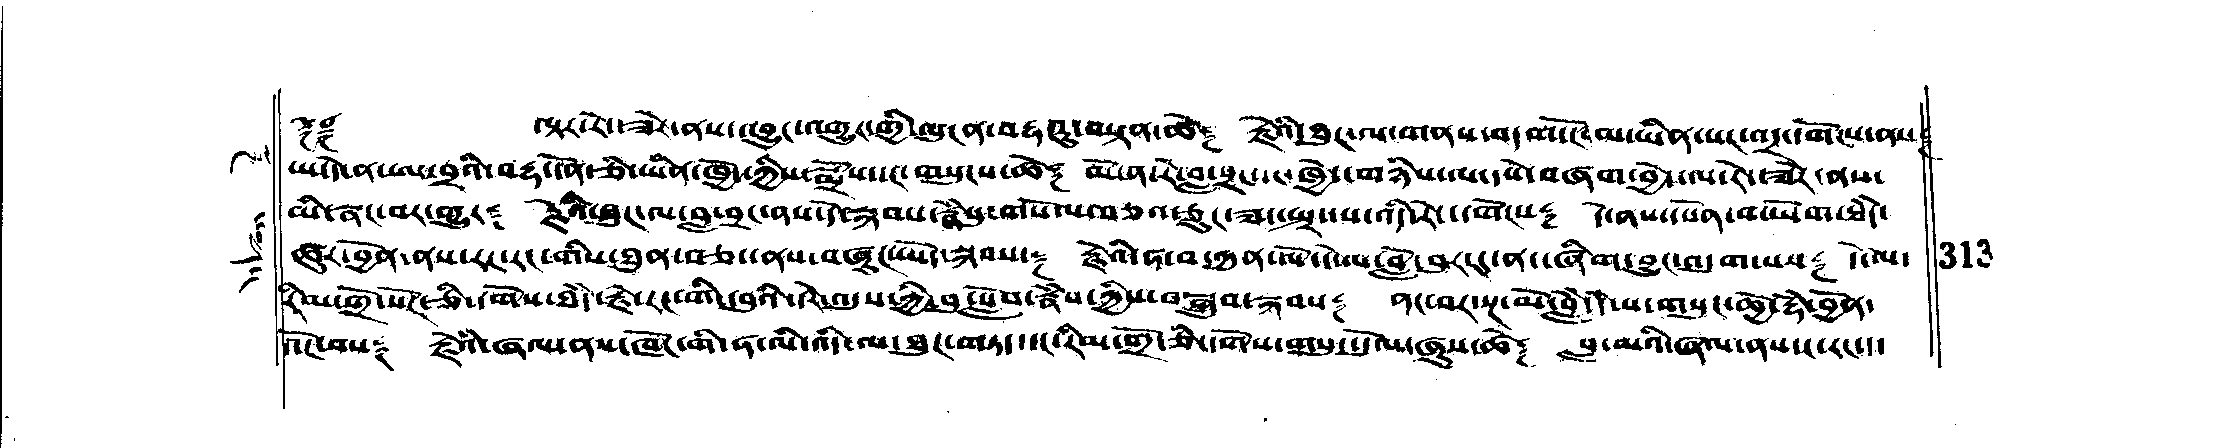ལྟར་རེད་ཟེར་ནས་འབྱུང་འགྱུར་གྱི་ལུང་བསྟན་བརྡ་རུ་བསྟན་ཚེ། རྗེའི་ཐུགས་ལ་གནས་བདག་ངོ་མ་ཡིན་པར་འདྲ་དགོངས་ནས། 
ཡ་དེ་ན་ཨ་བྲའི་བརྡ་དོན་ཅི་ཡིན་ཁྱོད་ཀྱིས་སྨྲོས་དང་གསུངས་ཚེ། མོ་ན་རེ་བླ་བྲང་དང་ཁྱེད་གཉིས་ལ་དཔེ་བཞག་བྱེད་ལ་རེད་ཟེར་ནས་
མི་སྣང་བར་གྱུར། རྗེའི་ཐུགས་ལ་བླ་བྲང་ནས་དེ་སྐབས་རྣམས་སུ་གསོལ་བཅའ་ཅུང་ཟད་སྤྲད་པ་འདི་རེད་དགོངས། དེ་ནས་དཔོན་གཡོག་ཐམས་ཅད་
ཚུར་བྱོན་ནས་རང་རང་གིས་ཐུན་བཅད་ནས་བཞུགས་ཡོད་སྐབས། རྗེའི་ཧ་བ་ཀུན་ལོ་དེ་ལ་གློ་བུར་དུ་ནད་ཞིག་བྱུང་འདུག་པས།དེ་ལ་
རིམ་གྲོ་སོགས་ཅི་དགོས་ཐམས་ཅད་རྗེ་རང་གི་དབུས་དེར་འདུས་ཀྱི་བུ་སློབ་རྣམས་ཀྱིས་བསྒྲུབ་སྐབས། ནངས་བར་སྔ་མོ་བླ་མ་དམ་པ་གསུང་མཆོག་རྡོ་རྗེ་བྱོན་
འོང་བས། རྗེའི་ཞལ་ནས་ཁོང་གི་ཧ་ལི་འདི་ལ་ཐུགས་གཏད་དང་རིམ་གྲོ་ཅི་དགོས་གསུང་དུ་གསོལ་ཞུས་ཚེ། བླ་མའི་ཞལ་ནས་ང་རང་ད་